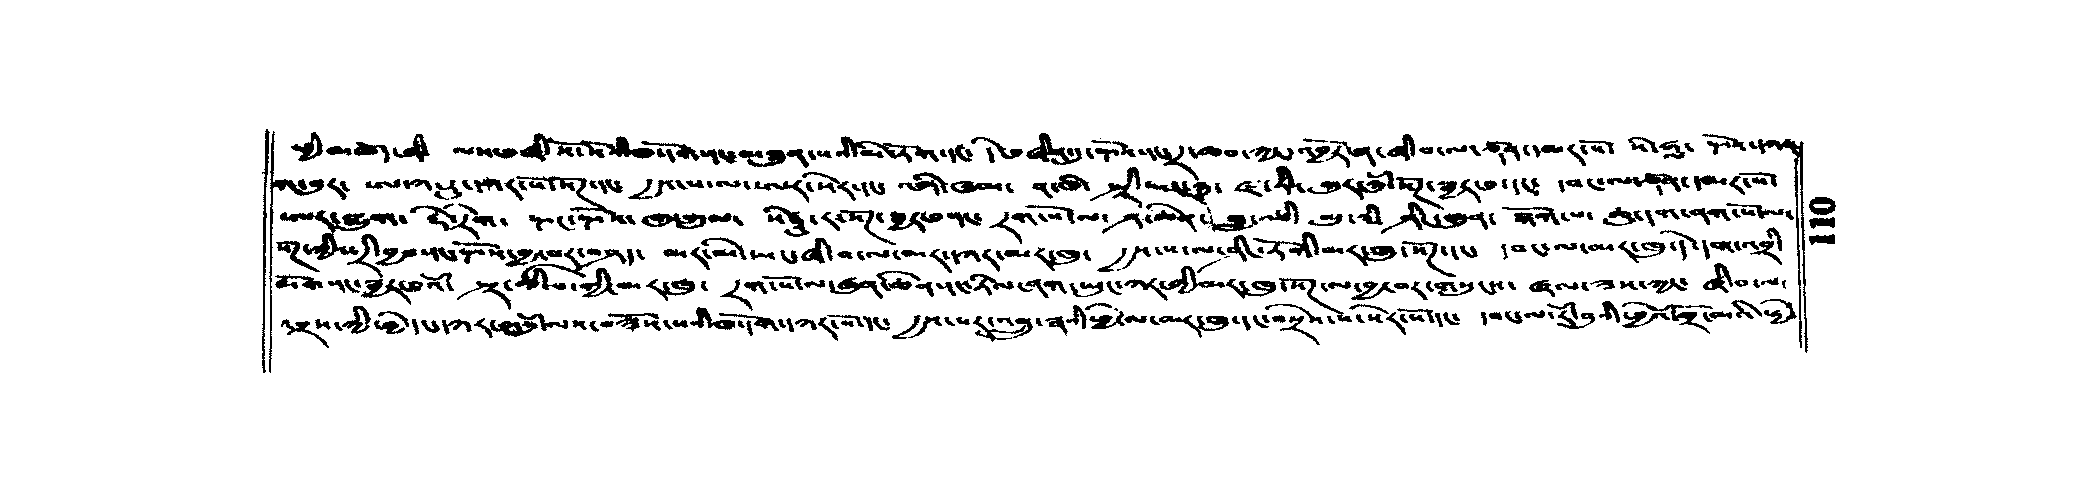ཕྱི་མཆོད་ནི། ལས་བཞི་སོ་སོའི་ཁ་དོག་དང་མཐུན་པའི་མེ་ཏོག་དང་། དེ་བཞིན་དུ་སྤོས་དང་དྲ་ཆབ་ཀྱང་འབྱོར་ན་ཞི་བ་ལ་ཙན་དན་དམར་པོ། སི་ཧུ། སྤོས་དཀར། 
ག་བུར། ཨ་ག་རུ་དཀར་པོ་སོགས་དང་། རྒྱས་པ་ལ་ཨར་སེར་དང་། འགི་ཝམ། ན་ཁི། སྤྲི་ཡང་ཁུ། ཛ་ཏི་གུར་ཁུམ་སོགས་སྦྱར་བ་དང་། དབང་ལ་ཙན་དན་དམར་པོ། 
ཨར་སྨུག་རྡེ་དྲེག་སྤང་སྤོས། ཁ་གུལ། སིནྡུ་ར་སོགས་སྦྱར་བ་དང་། དྲག་པོ་ལ་ཤ་ཆེན། གླ་རྩི། མི་ཟི། ཤིང་ཐུན། སྒོག་པ། ཆུ་དག་ནག་པོ་ལ་
སོགས་ཀྱིས་དྲི་ཆབ་དང་སྤོས་བྱ་བར་བཤད། མར་མེ་ཡང་ཞི་བ་ལ་མར་དཀར་མར་ཁུ། རྒྱས་པ་ལ་ཤིང་ཏོག་གི་མར་ཁུ་སོགས་དང་། དབང་ལ་མར་ཁུ་དེ་དག་འབྲི་
མོག་དང་སྦྱར་བའམ། སྤྲ་ཙིལ་གྱི་མར་ཁུ། དྲག་པོ་ལ་ཞུན་ཆེན་དང་ཏིལ་ནག་ཡུང་དཀར་གྱི་མར་ཁུ་སོགས་བྱ་བར་གསུངས། ཞལ་ཟས་ཀྱང་ཞི་བ་ལ་
འབྲས་ཀྱི་དཀར་གསུམ་ལས་བཟོས་པའི་ཁ་དོག་དཀར་པོ་དང་། རྒྱས་པ་ལ་འབྲུ་སྣའི་ཕྱེ་ལ་མར་ཁུ་དང་བསྲེས་པ་སེར་པོ་དང་། དབང་ལ་རམ་བུའི་ཕྱེའམ་གྲོ་མའི་ཕྱེ་